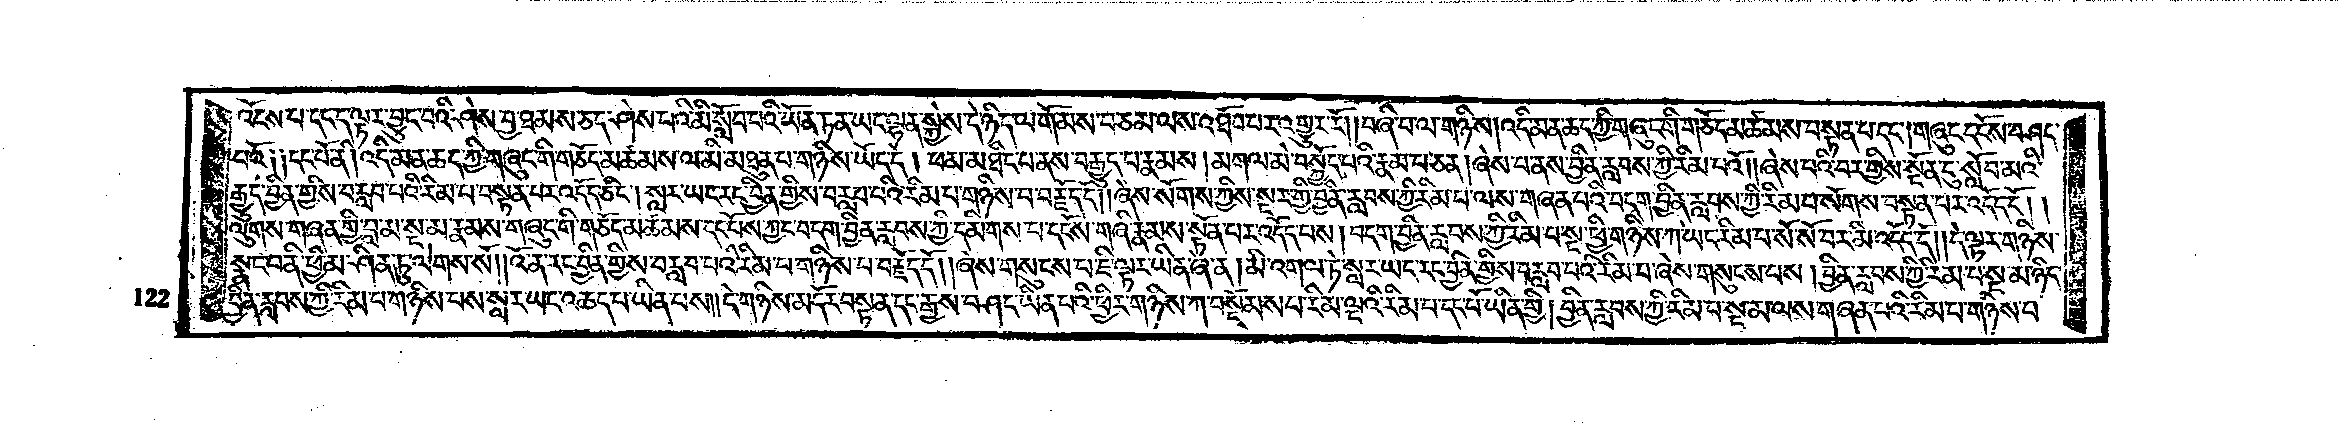འོངས་པ་དང་ད་ལྟར་བྱུང་བའི་ཤེས་བྱ་ཐམས་ཅད་ཤེས་པའི་མི་སློབ་པའི་ཡོན་ཏན་ཡང་ལྷན་སྐྱེས་དེ་ཉིད་ལ་གོམས་པ་ཙམ་ལས་འཐོབ་པར་འགྱུར་རོ། །བཞི་པ་ལ་གཉིས། འདི་མན་ཆད་ཀྱི་གཞུང་གི་གཅོད་མཚམས་བསྟན་པ་དང་། གཞུང་དངོས་བཤད་
པའོ། །དང་པོ་ནི། འདི་མན་ཆད་ཀྱི་གཞུང་གི་གཅོད་མཚམས་ལ་མི་མཐུན་པ་གཉིས་ཡོད་དེ། ཕམ་མཐིང་པ་ནས་བརྒྱུད་པ་རྣམས། མགལ་མེ་བསྐྱོད་པའི་རྣམ་པ་ཅན། ཞེས་པ་ནས་བྱིན་རླབས་ཀྱི་རིམ་པའོ། །ཞེས་པའི་བར་གྱི་སྔོན་དུ་སློབ་མའི་
རྒྱུད་བྱིན་གྱིས་བརླབ་པའི་རིམ་པ་བསྟན་པར་འདོད་ཅིང་། སླར་ཡང་རང་བྱིན་གྱིས་བརླབ་པའི་རིམ་པ་གཉིས་པ་བརྗོད་དོ། །ཞེས་སོགས་ཀྱིས་སྔར་གྱི་བྱིན་རླབས་ཀྱི་རིམ་པ་ལས་གཞན་པའི་བདག་བྱིན་རླབས་ཀྱི་རིམ་པ་སོགས་བསྟན་པར་འདོད་དོ། །
ལུགས་གཞན་གྱི་བླ་མ་སྔ་མ་རྣམས་གཞུང་གི་གཅོད་མཚམས་དང་པོས་ཀྱང་བདག་བྱིན་རླབས་ཀྱི་དམིགས་པ་དངོས་གཞི་རྣམས་སྟོན་པར་འདོད་པས། བདག་བྱིན་རླབས་ཀྱི་རིམ་པ་སྔ་ཕྱི་གཉིས་ཀ་ཡང་རིམ་པ་སོ་སོ་བར་མི་འདོད་དོ། །དེ་ལྟར་གཉིས་
སྣང་བ་ནི་ཕྱི་མ་ཤིན་ཏུ་ལེགས་སོ། །འོ་ན་རང་བྱིན་གྱིས་བརླབ་པའི་རིམ་པ་གཉིས་པ་བརྗོད་དོ། །ཞེས་གསུངས་པ་ཇི་ལྟར་ཡིན་ཞེ་ན། མི་འགལ་ཏེ་སླར་ཡང་རང་བྱིན་གྱིས་བརླབ་པའི་རིམ་པ་ཞེས་གསུངས་པས། བྱིན་རླབས་ཀྱི་རིམ་པ་སྔ་མ་ཉིད་
བྱིན་རླབས་ཀྱི་རིམ་པ་གཉིས་པས་སླར་ཡང་འཆད་པ་ཡིན་པས། །དེ་གཉིས་མདོར་བསྟན་དང་རྒྱས་བཤད་ཡིན་པའི་ཕྱིར་གཉིས་ཀ་བསྡོམས་པ་རིམ་ལྔའི་རིམ་པ་དང་པོ་ཡིན་གྱི། བྱིན་རླབས་ཀྱི་རིམ་པ་སྔ་མ་ལས་གཞན་པའི་རིམ་པ་གཉིས་པ་